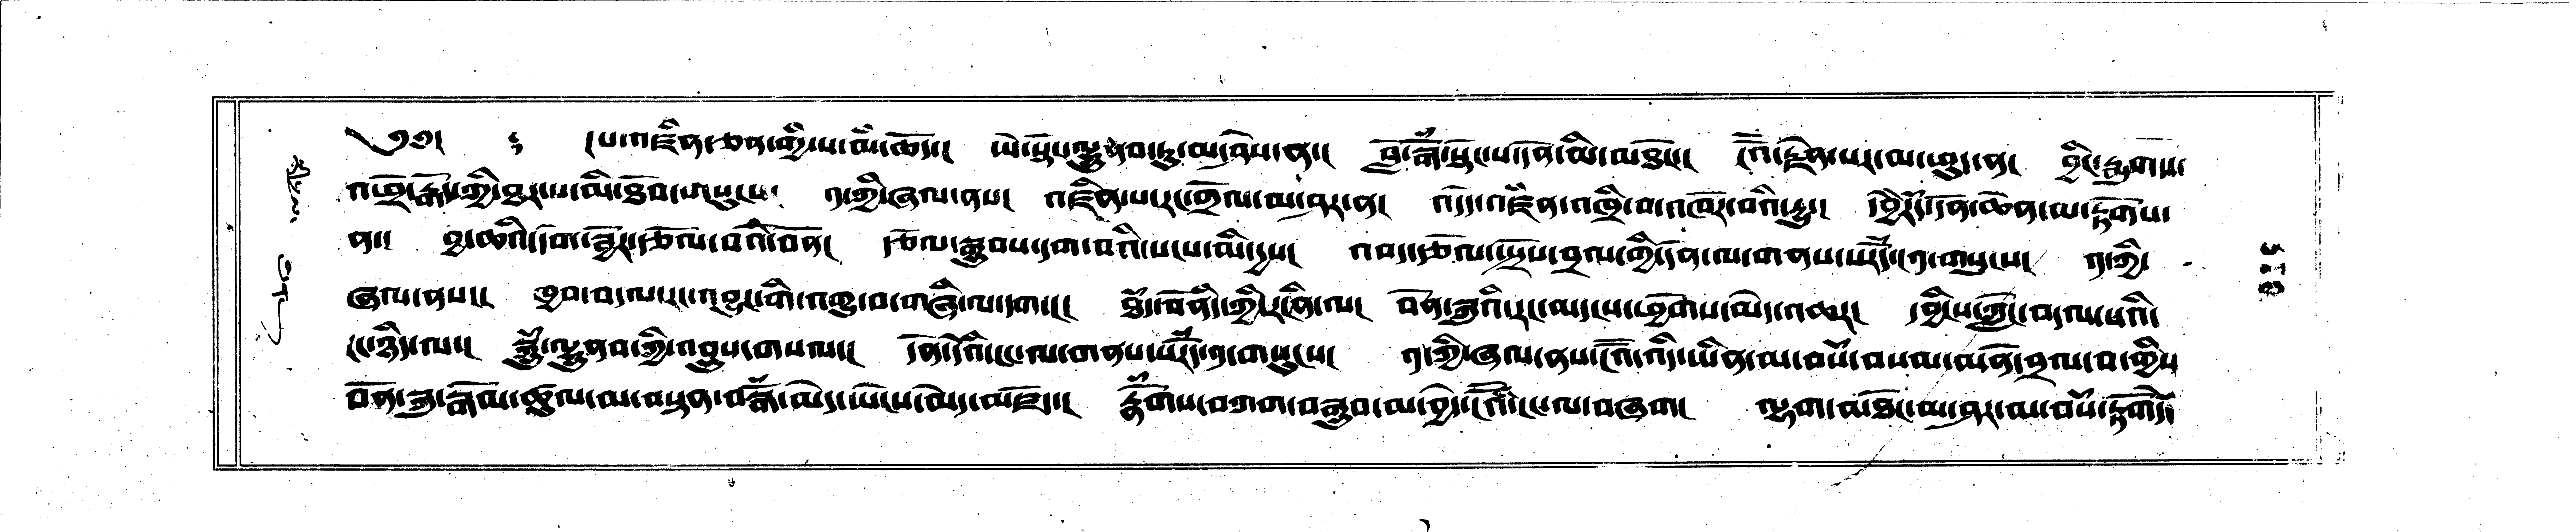པ་འཛིན་ཅན་གྱི་ས་མི་ཆོད། ཡེ་སྟོང་ལྷུན་གྲུབ་ཏུ་མ་ཤེས་ན། བློ་སྒོམ་སྟོང་པ་༼པས༽དོན་མི་མཐོང་། ངོའོ་རྗེན་པར་མ་ཕུད་ན། བྱིང་རྨུགས་
འཕྲོ་རྒོད་ཀྱིས་ཐར་པ་མི་ཐོབ་གསུངས། གཅིག་གི་ཞལ་ནས། འཛིན་པ་རང་གྲོལ་མ་ཤར་ན། །འདོད་འཛིན་འཁྲི་བ་འཁོར་བའི་རྒྱུ། །དབྱེར་མེད་དོན་ཆེན་མ་རྟོགས་
ན། །བྱ་ཆའི་དགེ་སྦྱོར་རྩོལ་བའི་བོན། །རྩོལ་སྒྲུབ་དགེ་བས་སངས་མི་རྒྱས། འབད་རྩོལ་སྤྲོས་བྲལ་གྱི་དོན་ལ་གནས་པར་མཛོད་ཅིག་གསུངས། གཅིག་གི་
ཞལ་ནས། ཁྱབ་བདལ་རང་འབྱུང་གི་འགྱུ་བ་གཞི་ལ་དག །ཐམས་ཅད་བོན་ཉིད་རང་བཞིན་ལ། །བོན་སྐུའི་རང་མདངས་ཕྱོགས་མེད་འཆར། །དབྱིངས་ཀློང་བདལ་པའི་
ངང་ཉིད་ལ། །སྐུ་གསུམ་ལྷུན་གྲུབ་ཀྱི་འབྲས་བུ་གསལ། །དོན་དེའི་ངང་ལ་གནས་པ་མཛོད་ཅིག་གསུངས། གཅིག་གི་ཞལ་ནས། ངོའོ་འདི་ཡིན་མ་བསམ་བསམ་མནོ་བྲལ་བར་གྱིས། 
།བོན་སྐུ་སྒོམ་ཚུལ་མ་བསྟན་སྒོམ་མེད་ཡེངས་མེད་མཛོད། །རྣམ་རྟོག་བཀག་བསྒྲུབ་མ་བྱེད་ངོའོ་ངང་ལ་བཞག ལྷག་མཐོང་མ་ཤར་མ་བསམ་རྟོག་མེད་